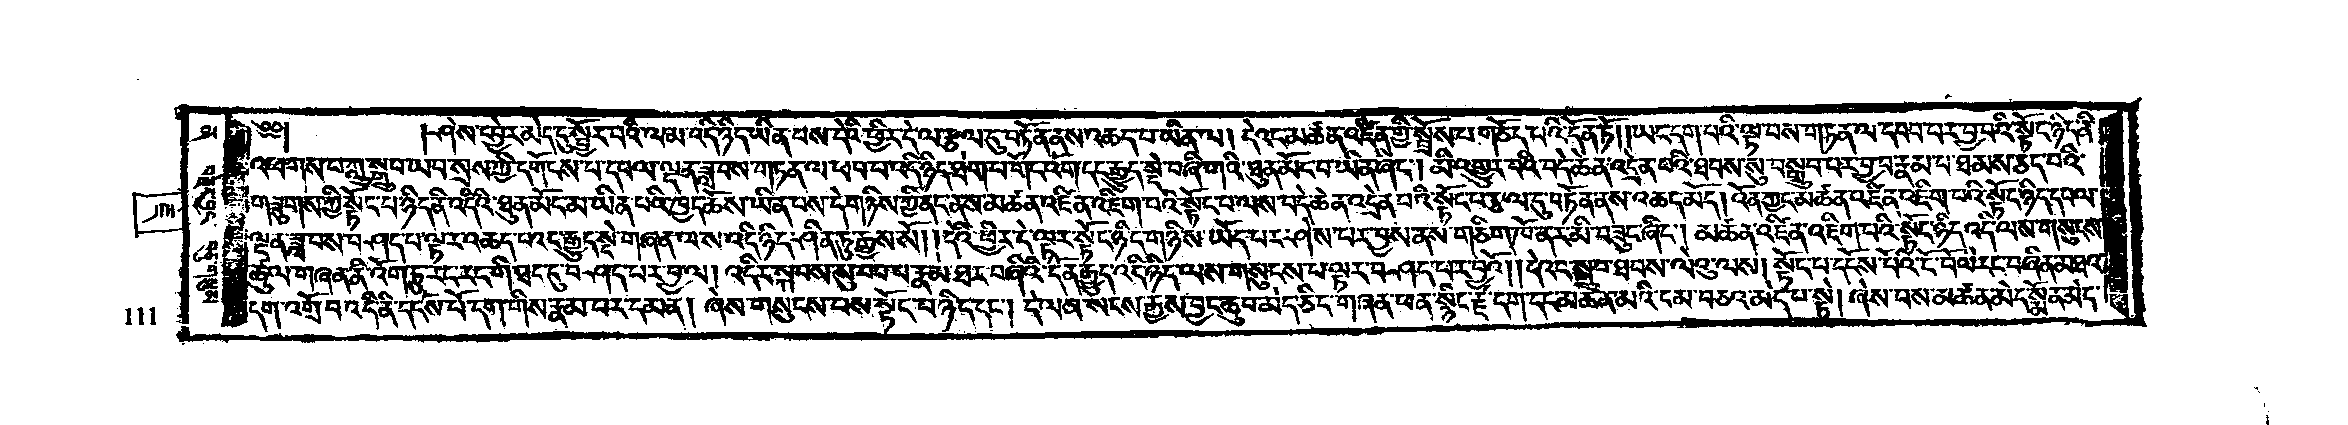༄༅། །ཤེས་དབྱེར་མེད་དུ་སྦྱོར་བའི་ལམ་འདི་ཉིད་ཡིན་པས་དེའི་ཕྱིར་དེ་ལ་རྩལ་དུ་བཏོན་ནས་འཆད་པ་ཡིན་ལ། དེའང་མཚན་འཛིན་གྱི་སྤྲོས་པ་གཅོད་པའི་དོན་ཏོ། །ཡང་དག་པའི་ལྟ་བས་གཏན་ལ་དབབ་པར་བྱ་བའི་སྟོང་ཉིད་ནི་
འཕགས་པ་ཀླུ་སྒྲུབ་ཡབ་སྲས་ཀྱི་དགོངས་པ་དཔལ་ལྡན་ཟླ་བས་གཏན་ལ་ཕབ་པ་འདི་ཉིད་ཐེག་པ་གོང་འོག་དང་རྒྱུད་སྡེ་བཞི་གའི་ཐུན་མོང་བ་ཡིན་ཞིང་། མི་འགྱུར་བའི་བདེ་ཆེན་འདྲེན་པའི་ཐབས་སུ་བསྒྲུབ་པར་བྱ་བ་རྣམ་པ་ཐམས་ཅད་པའི་
གཟུགས་ཀྱི་སྟོང་པ་ཉིད་ནི་འདིའི་ཐུན་མོང་མ་ཡིན་པའི་ཁྱད་ཆོས་ཡིན་པས་དེ་གཉིས་ཀྱི་ནང་ནས་མཚན་འཛིན་འཇིག་པའི་སྟོང་པ་ལས་བདེ་ཆེན་འདྲེན་པའི་སྟོང་པ་རྩལ་དུ་བཏོད་ནས་འཆད་མོད། འོན་ཀྱང་མཚན་འཛིན་འཇིག་པའི་སྟོང་ཉིད་དཔལ་
ལྡན་ཟླ་བས་བཤད་པ་ལྟར་འཆད་པའང་རྒྱུད་སྡེ་གཞན་ལས་འདི་ཉིད་ཤིན་ཏུ་རྒྱས་སོ། །དེའི་ཕྱིར་དེ་ལྟར་སྟོང་ཉིད་གཉིས་ཡོད་པར་ཤེས་པར་བྱས་ནས་གཅིག་ཁོ་ནར་མི་བཟུང་ཞིང་། མཚན་འཛིན་འཇིག་པའི་སྟོང་ཉིད་འདི་ལས་གསུངས་
ཚུལ་གཞན་ནི་འོག་ཏུ་རང་རང་གི་ཐད་དུ་བཤད་པར་བྱ་ལ། འདིར་སྐབས་སུ་བབ་པ་རྣམ་ཐར་བཞིའི་དོན་རྒྱུད་འདི་ཉིད་ལས་གསུངས་པ་ལྟར་བཤད་པར་བྱའོ། །དེའང་སྒྲུབ་ཐབས་ལེའུ་ལས། སྟོང་པ་དངོས་པོའི་ངོ་བོའི་རང་བཞིན་མཐའ་
དག་འགྲོ་བ་འདི་ནི་དངོས་པོ་དག་གིས་རྣམ་པར་དམན། ཞེས་གསུངས་པས་སྟོང་པ་ཉིད་དང་། དེ་ལས་སངས་རྒྱས་བྱང་ཆུབ་མེད་ཅིང་གཞན་ཕན་སྙིང་རྗེ་དག་དང་མཚན་མའི་དམ་བཅའ་མེད་པ་སྟེ། ཞེས་པས་མཚན་མེད་སྨོན་མེད་